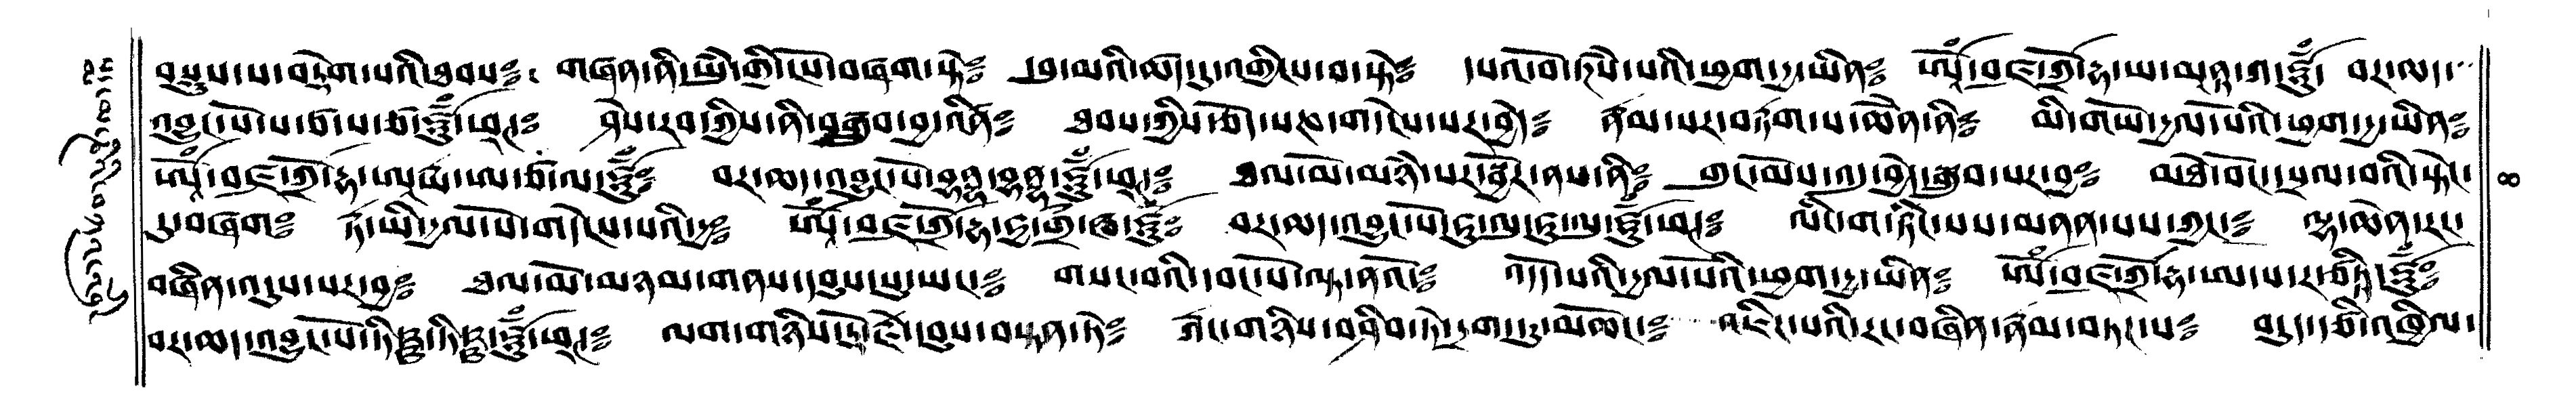བསྡུས་པ་རྡེག་པའི་ཐབས། །གཞན་ནི་ཡུམ་གྱི་ངོས་བཞག་སྟེ། །དབུ་མའི་ཚད་དུ་འགྱིང་བ་སྟེ། །དཔའ་བོ་རྔམ་པའི་ཕྱག་རྒྱ་ཡིན། །ཨོཾ་ཨ་བཛྲ་ཀྲོ་དྷ་ཡ་མཱནྟ་ཀ་ཧཱུྃཿ བར་ཆད་
འབྱུང་པོ་པ་ཙ་པ་ཙ་ཧཱུྃ་ཕཊ། །ཤེས་རབ་ཀྱིས་ནི་བསྒྲུབ་བྱ་འཛིན། །ཐབས་ཀྱིས་ཅོད་པཎ་གདེངས་པར་བྱེད། །རྣམ་པར་བརྟག་པ་ཆེན་པོ་ནི། །མི་གཡོ་རྒྱལ་པོའི་ཕྱག་རྒྱ་ཡིན། །
ཨོཾ་ཨ་བཛྲ་ཀྲོ་དྷ་ཨཱརྻ་ཨ་ཙ་ལ་ཧཱུྃཿ བར་ཆད་འབྱུང་པོ་བྷནྡྷ་བྷནྡྷ་ཧཱུྃ་ཕཊཿ ཐལ་མོ་མཉམ་པར་སྦྱར་ནས་ནི། །གུང་མོས་འདུ་བྱེད་སྒྲུབ་པར་བྱ། །མཐེ་བོང་དཔྲལ་བའི་སྟེང་
དུ་བཞག །རྟ་ཡི་རྒྱལ་པོ་གདེངས་པའི་རྒྱ། །ཨོཾ་ཨ་བཛྲ་ཀྲོ་དྷ་ཧྱ་གྲྀ་ཝ་ཧཱུཾཿ བར་ཆད་འབྱུང་པོ་ཧུ་ལུ་ཧུ་ལུ་ཧཱུྃ་ཕཊ། །ལིང་གཏིང་པས་མནན་པས་ཀྱང་། །ལྷ་ཆེན་རང་
བཞིན་འདུས་པར་བྱ། །ཐལ་མོ་མཉམ་གནས་དབུས་སུ་ཡང་། །གསང་བའི་དབང་པོ་ལྟ་ནའོ། །།འདོད་པའི་རྒྱལ་པོའི་ཕྱག་རྒྱ་ཡིན། ཨོཾ་ཨ་བཛྲ་ཀྲོ་དྷ་ཨ་པ་ར་ཙིཏྟ་ཧཱུྃཿ 
བར་ཆད་འབྱུང་པོ་ཏིཥྛ་ཏིཥྛ་ཧཱུྃ་ཕཊཿ ལག་གཉིས་རྡོ་རྗེ་དབུས་བསྟན་ཏེ། །རྐང་གཉིས་བཤིབས་ཏེ་དྲག་ཏུ་མཆོང་། །འཇིགས་པའི་རང་བཞིན་རྣམས་བཏགས་པ། །བདུད་རྩི་འཁྱིལ་